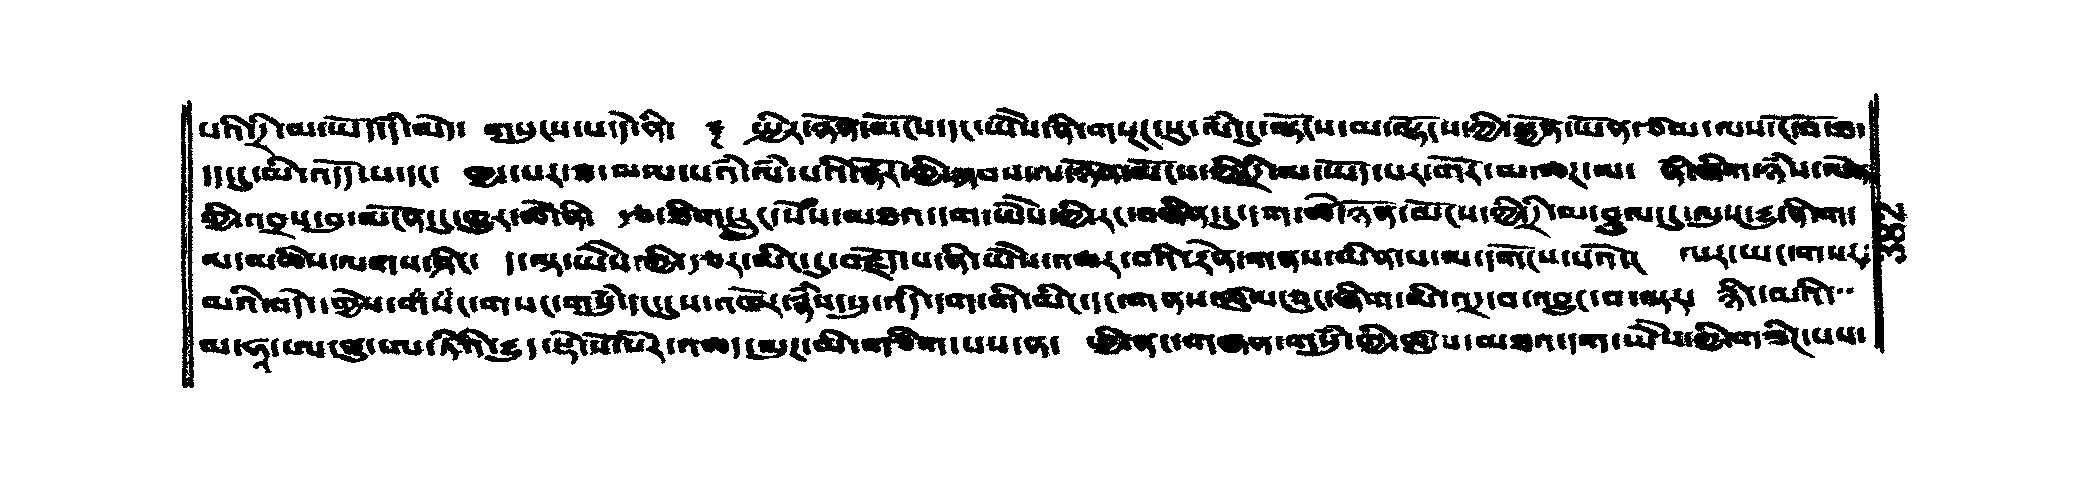པའི་དྲི་མ་ཡོད་དམ་མེད། གསུངས་པ་དེ་ནི། སྤྱིར་ཉོན་མོངས་དང་ཡེ་ཤེས་ནི་གསང་སྔགས་སུ་ལམ་དུ་ལྷོངས་མ་ལྷོངས་ཀྱི་སྐྱོན་ཡོན་ཙམ་ལས་ངོ་བོ་ཐ་
དད་དུ་མི་འདོད་པ་དང་། ཁྱད་པར་ཐ་མལ་པའམ་ལམ་པའི་རྣལ་འབྱོར་གྱི་སྐབས་ལ་ཉོན་མོངས་ཀྱི་དྲི་མ་ཡོད་པར་གོར་མ་ཆགས་ལ། ནམ་ཞིག་ཉམས་ལེན་
གྱི་འབྲས་བུ་མངོན་དུ་གྱུར་ཚེ་ནི། རྩ་ཐིག་རླུང་སེམས་མཐའ་དག་ཡེ་ཤེས་ཀྱི་རང་བཞིན་དུ་དག་ཚེ་ཉོན་མོངས་ཀྱི་དྲི་མ་ཤུལ་དུ་ལུས་རྒྱུ་ནི་ག་
ལ་མཆིས་ལགས་ཤིང་། ད་ལྟ་ཡེ་ཤེས་ཀྱི་རྩ་མིང་དུ་བརྗོད་པ་ནི་ཡེ་ཤེས་འཆར་བའི་རྟེན་གནས་མིན་པ་མ་དགོངས་པའོ། ལར་ཡང་གསར་
མའི་བདེ་དགྱེས་གསང་གསུམ་དང་དུས་འཁོར་རྣམས་སུ་འདི་དག་གི་མིང་དང་གནས་ཚུལ་ཅུང་ཞིག་མི་འདྲ་བ་འབྱུང་བ་ལྟར། རྙིང་མའི་
མ་ཧཱ་ཨ་ནུ་ཨ་ཏིའི་རྒྱུད་སྡེ་སོ་སོར་འཆད་ལུགས་མི་གཅིག་པས་ན། ཕྱི་ནང་གཞན་གསུམ་གྱི་ཚུལ་མཐའ་དག་ཡེ་ཤེས་ཀྱི་གཟིགས་པས་